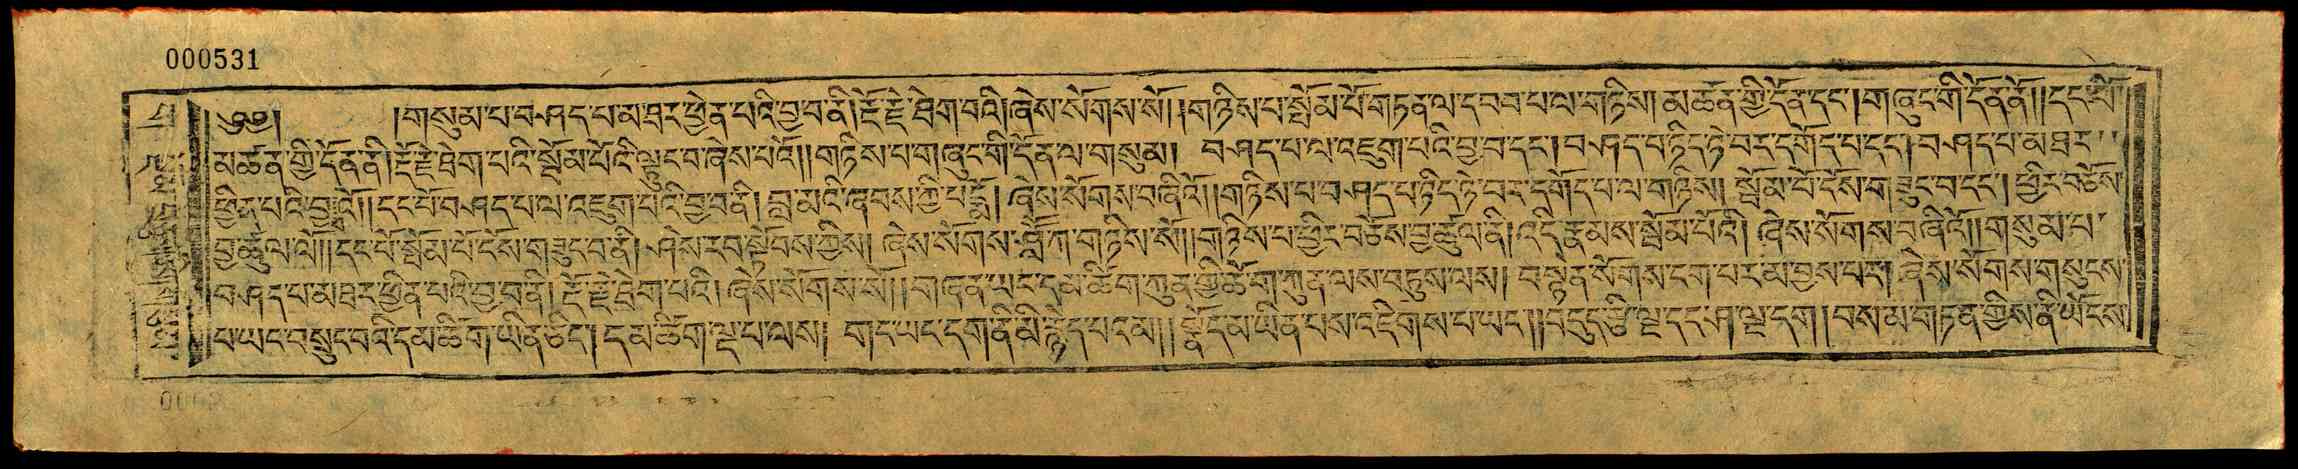༄༅། །གསུམ་པ་བཤད་པ་མཐར་ཕྱིན་པའི་བྱ་བ་ནི། རྡོ་རྗེ་ཐེག་པའི། ཞེས་སོགས་སོ། །གཉིས་པ་སྤོམ་པོ་གཏན་ལ་དབབ་པ་ལ་གཉིས། མཚན་གྱི་དོན་དང་། གཞུང་གི་དོན་ནོ། །དང་པོ་
མཚན་གྱི་དོན་ནི། རྡོ་རྗེ་ཐེག་པའི་སྦོམ་པོའི་ལྟུང་བ་ཞེས་པའོ། །གཉིས་པ་གཞུང་གི་དོན་ལ་གསུམ། བཤད་པ་ལ་འཇུག་པའི་བྱ་བ་དང་། བཤད་པ་ཉིད་ཉེ་བར་དགོད་པ་དང་། བཤད་པ་མཐར་
ཕྱིན་པའི་བྱ་བའོ། །དང་པོ་བཤད་པ་ལ་འཇུག་པའི་བྱ་བ་ནི། བླ་མའི་ཞབས་ཀྱི་པདམོ། ཞེས་སོགས་བཞིའོ། །གཉིས་པ་བཤད་པ་ཉིད་ཉེ་བར་དགོད་པ་ལ་གཉིས། སྦོམ་པོ་ངོས་གཟུང་བ་དང་། ཕྱིར་བཅོས་
བྱ་ཚུལ་ལོ། །དང་པོ་སྦོམ་པོ་ངོས་གཟུང་བ་ནི། ཤེས་རབ་སྟོབས་ཀྱིས། ཞེས་སོགས་ཤླཽ་ཀ་གཉིས་སོ། །གཉིས་པ་ཕྱིར་བཅོས་བྱ་ཚུལ་ནི། འདི་རྣམས་སྦོམ་པོའི། ཞེས་སོགས་བཞིའོ། །གསུམ་པ་
བཤད་པ་མཐར་ཕྱིན་པའི་བྱ་བ་ནི། རྡོ་རྗེ་ཐེག་པའི། ཞེས་སོགས་སོ། །གཞན་ཡང་དམ་ཚིག་ཀུན་གྱི་ཆོ་ག་ཀུན་ལས་བཏུས་ལས། བསྙེན་སོགས་དག་པར་མ་བྱས་པར། ཞེས་སོགས་གསུངས་
པ་ཡང་བསྲུང་བའི་དམ་ཚིག་ཡིན་ཅིང་། དམ་ཚིག་ལྔ་པ་ལས། གང་ཡང་དག་ནི་མ་རྙེད་པའམ། །སྣོད་མ་ཡིན་པས་འཇིགས་པ་ཡང་། །བདུད་རྩི་ལྔ་དང་ཤ་ལྔ་དག། བསམ་གཏན་གྱིས་ནི་ཡོངས་